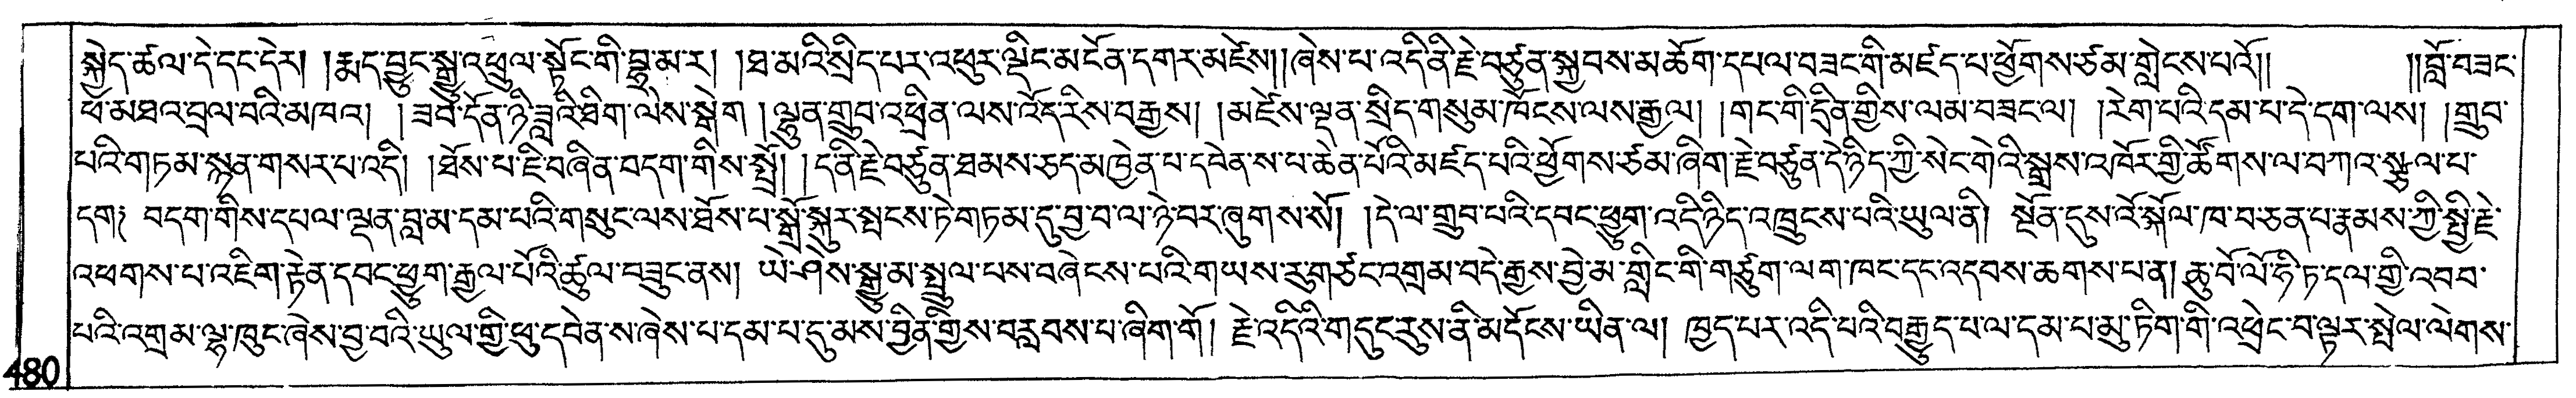སྐྱེད་ཚལ་དེ་དང་དེར། །རྨད་བྱུང་སྒྱུ་འཕྲུལ་སྟོང་གི་བྷྲ་མ་ར། །ཐ་མའི་སྲིད་པར་འཕུར་ལྡིང་མངོན་དགར་མཛེས། །ཞེས་པ་འདི་ནི་རྗེ་བཙུན་སྐྱབས་མཆོག་དཔལ་བཟང་གི་མཛད་པ་ཕྱོགས་ཙམ་གླེངས་པའོ།། །།བློ་བཟང་
ཕ་མཐའ་བྲལ་བའི་མཁའ། །ཟབ་དོན་ཉི་ཟླའི་ཐིག་ལེས་སྒེག །ལྷུན་གྲུབ་འཕྲིན་ལས་འོད་རིས་བརྒྱས། །མཛེས་ལྡན་སྲིད་གསུམ་ཁོངས་ལས་རྒྱལ། །གང་གི་དྲིན་གྱིས་ལམ་བཟང་ལ། །རེག་པའི་དམ་པ་དེ་དག་ལས། །གྲུབ་
པའི་གཏམ་སྙན་གསར་པ་འདི། །ཐོས་པ་ཇི་བཞིན་བདག་གིས་སྤྲོ། །ད་ནི་རྗེ་བཙུན་ཐམས་ཅད་མཁྱེན་པ་དབེན་ས་པ་ཆེན་པོའི་མཛད་པའི་ཕྱོགས་ཙམ་ཞིག་རྗེ་བཙུན་དེ་ཉིད་ཀྱི་སེང་གེའི་སྒྲས་འཁོར་གྱི་ཚོགས་ལ་བཀའ་སྩལ་པ་
དག ༑བདག་གིས་དཔལ་ལྡན་བླ་མ་དམ་པའི་གསུང་ལས་ཐོས་པ་སྒྲོ་སྐུར་སྤངས་ཏེ་གཏམ་དུ་བྱ་བ་ལ་ཉེ་བར་ཞུགས་སོ། །དེ་ལ་གྲུབ་པའི་དབང་ཕྱུག་འདི་ཉིད་འཁྲུངས་པའི་ཡུལ་ནི། སྔོན་དུས་འོ་སྐོལ་ཁ་བ་ཅན་པ་རྣམས་ཀྱི་སྤྱི་རྗེ་
འཕགས་པ་འཇིག་རྟེན་དབང་ཕྱུག་རྒྱལ་པོའི་ཚུལ་བཟུང་ནས། ཡེ་ཤེས་སྒྱུ་མ་སྤྲུལ་པས་བཞེངས་པའི་གཡས་རུ་གཙང་འགྲམ་བདེ་རྒྱས་བྱེ་མ་གླིང་གི་གཙུག་ལག་ཁང་དང་འདབས་ཆགས་པ་ན། ཆུ་བོ་ལོ་ཧི་ཏ་དལ་གྱི་འབབ་
པའི་འགྲམ་ལྷ་ཁུང་ཞེས་བྱ་བའི་ཡུལ་གྱི་ཕུ་དབེན་ས་ཞེས་པ་དམ་པ་དུ་མས་བྱིན་གྱིས་བརླབས་པ་ཞིག་གོ །རྗེ་འདིའི་གདུང་རུས་ནི་མདོངས་ཡིན་ལ། ཁྱད་པར་འདི་པའི་བརྒྱུད་པ་ལ་དམ་པ་མུ་ཏིག་གི་འཕྲེང་བ་ལྟར་སྤེལ་ལེགས་